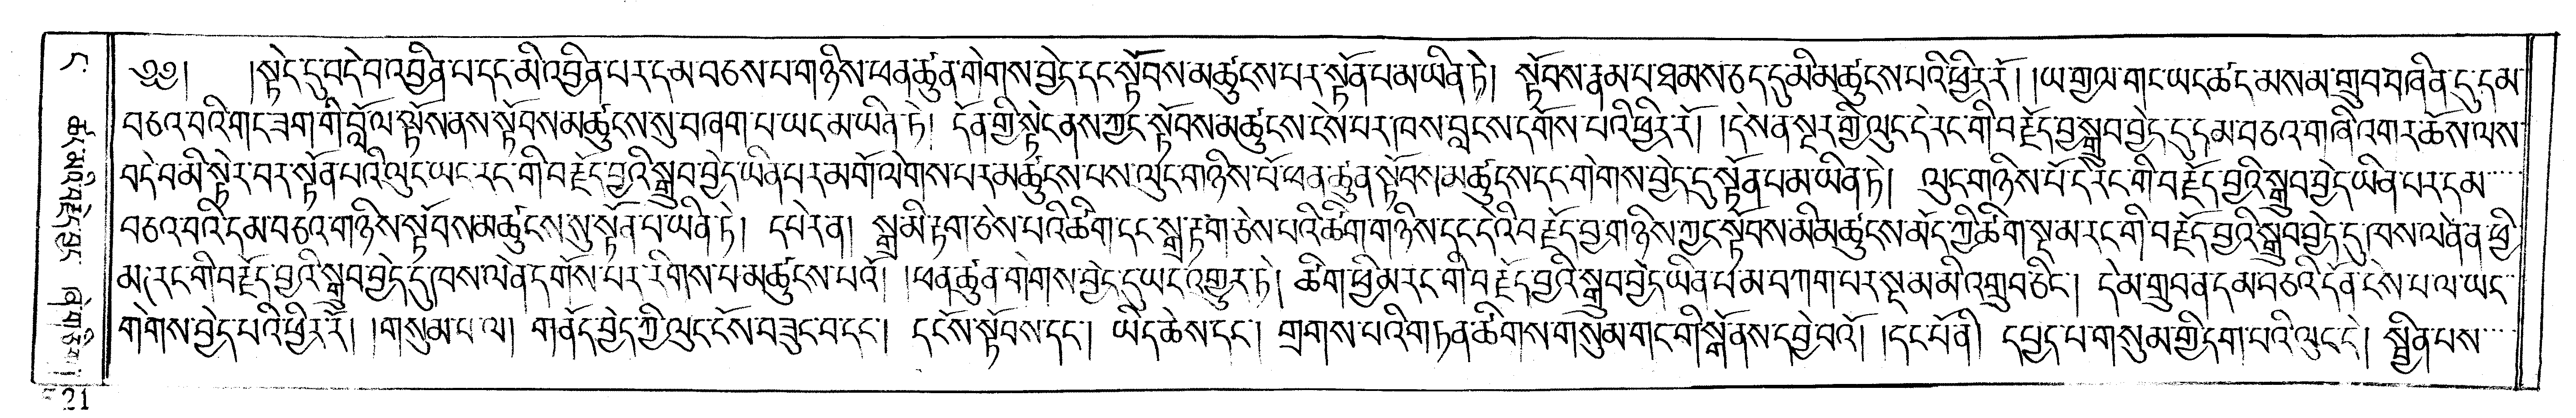༄༅། །སྟེང་དུ་བདེ་བ་འབྱིན་པ་དང་མི་འབྱིན་པར་དམ་བཅས་པ་གཉིས་ཕན་ཚུན་གེགས་བྱེད་དང་སྟོབས་མཚུངས་པར་སྟོན་པ་མ་ཡིན་ཏེ། སྟོབས་རྣམ་པ་ཐམས་ཅད་དུ་མི་མཚུངས་པའི་ཕྱིར་རོ། །ཡ་གྱལ་གང་ཡང་ཚད་མས་མ་གྲུབ་བཞིན་དུ་དམ་
བཅའ་བའི་གང་ཟག་གི་བློ་ལ་ལྟོས་ནས་སྟོབས་མཚུངས་སུ་བཞག་པ་ཡང་མ་ཡིན་ཏེ། དོན་གྱི་སྟེང་ནས་ཀྱང་སྟོབས་མཚུངས་ངེས་པར་ཁས་བླངས་དགོས་པའི་ཕྱིར་རོ། །དེས་ན་སྔར་གྱི་ལུང་དེ་རང་གི་བརྗོད་བྱ་སྒྲུབ་བྱེད་དུ་དམ་བཅའ་གཞི་འགར་ཆོས་ལས་
བདེ་བ་མི་སྟེར་བར་སྟོན་པའི་ལུང་ཡང་རང་གི་བརྗོད་བྱའི་སྒྲུབ་བྱེད་ཡིན་པར་མགོ་ལེགས་པར་མཚུངས་པས་ལུང་གཉིས་པོ་ཕན་ཚུན་སྟོབས་མཚུངས་དང་གེགས་བྱེད་དུ་སྟོན་པ་མ་ཡིན་ཏེ། ལུང་གཉིས་པོ་དེ་རང་གི་བརྗོད་བྱའི་སྒྲུབ་བྱེད་ཡིན་པར་དམ་
བཅའ་བའི་དམ་བཅའ་གཉིས་སྟོབས་མཚུངས་སུ་སྟོན་པ་ཡིན་ཏེ། དཔེར་ན། སྒྲ་མི་རྟག་ཅེས་པའི་ཚིག་དང་སྒྲ་རྟག་ཅེས་པའི་ཚིག་གཉིས་དང་དེའི་བརྗོད་བྱ་གཉིས་ཀྱང་སྟོབས་མི་མཚུངས་མོད་ཀྱི་ཚིག་སྔ་མ་རང་གི་བརྗོད་བྱའི་སྒྲུབ་བྱེད་དུ་ཁས་ལེན་ན་ཕྱི་
མ༑ རང་གི་བརྗོད་བྱའི་སྒྲུབ་བྱེད་དུ་ཁས་ལེན་དགོས་པར་རིགས་པ་མཚུངས་པའོ། །ཕན་ཚུན་གེགས་བྱེད་དུ་ཡང་འགྱུར་ཏེ། ཚིག་ཕྱི་མ་རང་གི་བརྗོད་བྱའི་སྒྲུབ་བྱེད་ཡིན་པ་མ་བཀག་པར་སྔ་མ་མི་འགྲུབ་ཅིང་། དེ་མ་གྲུབ་ན་དམ་བཅའི་དོན་ངེས་པ་ལ་ཡང་
གེགས་བྱེད་པའི་ཕྱིར་རོ། །གསུམ་པ་ལ། གནོད་བྱེད་ཀྱི་ལུང་ངོས་བཟུང་བ་དང་། དངོས་སྟོབས་དང་། ཡིད་ཆེས་དང་། གྲགས་པའི་གཏན་ཚིགས་གསུམ་གང་གི་སྒོ་ནས་དབྱེ་བའོ། །དང་པོ་ནི། དཔྱད་པ་གསུམ་གྱི་དག་པའི་ལུང་དེ། སྦྱིན་པས་